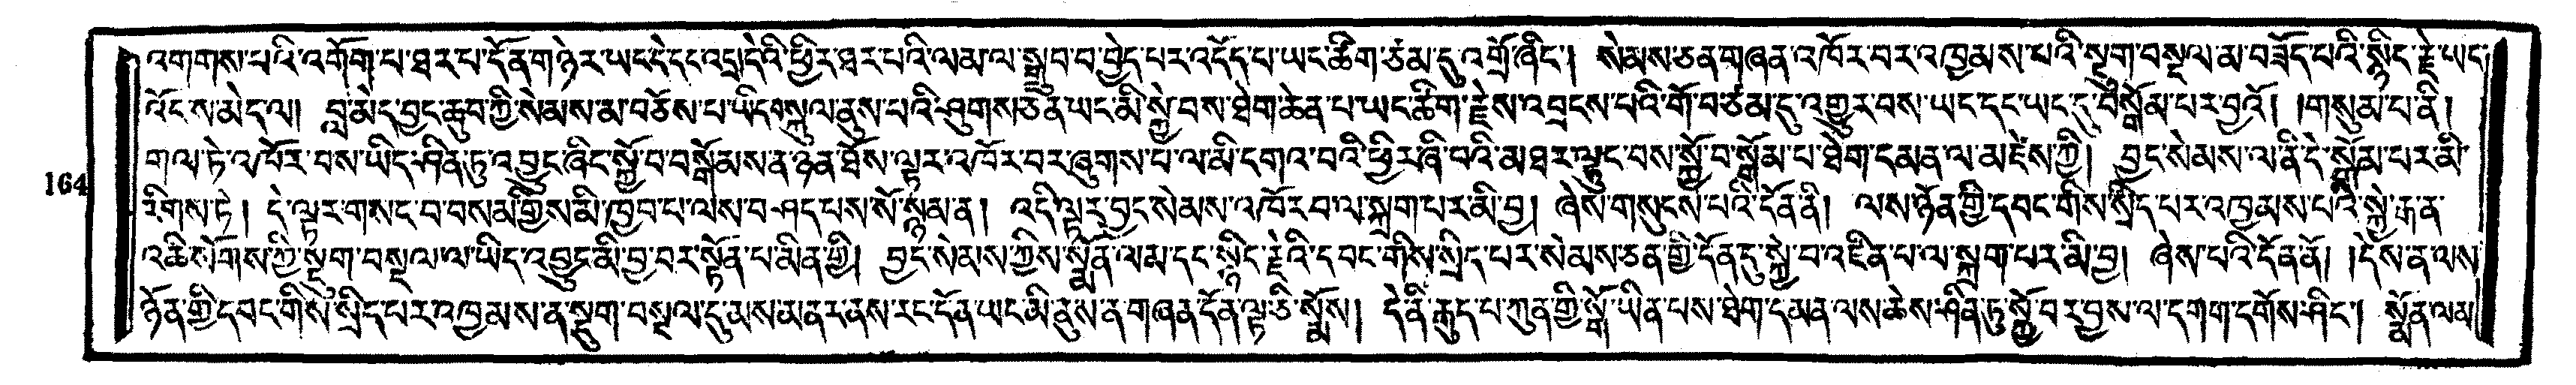འགགས་པའི་འགོག་པ་ཐར་པ་དོན་གཉེར་ཡང་དེ་དང་འདྲ། དེའི་ཕྱིར་ཐར་པའི་ལམ་ལ་སྒྲུབ་བ་བྱེད་པར་འདོད་པ་ཡང་ཚིག་ཙམ་དུ་འགྲོ་ཞིང་། སེམས་ཅན་གཞན་འཁོར་བར་འཁྱམས་པའི་སྡུག་བསྔལ་མ་བཟོད་པའི་སྙིང་རྗེ་ཡང་
འོང་ས་མེད་ལ། བླ་མེད་བྱང་ཆུབ་ཀྱི་སེམས་མ་བཅོས་པ་ཡིད་བསྐུལ་ནུས་པའི་ཤུགས་ཅན་ཡང་མི་སྐྱེ་བས་ཐེག་ཆེན་པ་ཡང་ཚིག་རྗེས་འབྲངས་པའི་གོ་བ་ཙམ་དུ་འགྱུར་བས་ཡང་དང་ཡང་དུ་བསྒོམ་པར་བྱའོ། །གསུམ་པ་ནི།
གལ་ཏེ་འཁོར་བས་ཡིད་ཤིན་ཏུ་འབྱུང་ཞིང་སྐྱོ་བ་བསྒོམས་ན་ཉན་ཐོས་ལྟར་འཁོར་བར་ཞུགས་པ་ལ་མི་དགའ་བའི་ཕྱིར་ཞི་བའི་མཐར་ལྟུང་བས་སྐྱོ་བ་སྒོམ་པ་ཐེག་དམན་ལ་མཛེས་ཀྱི། བྱང་སེམས་ལ་ནི་དེ་སྒོམ་པར་མི་
རིགས་ཏེ། དེ་ལྟར་གསང་བ་བསམ་གྱིས་མི་ཁྱབ་པ་ལས་བཤད་པས་སོ་སྙམ་ན། འདི་ལྟར་བྱང་སེམས་འཁོར་བ་ལ་སྐྲག་པར་མི་བྱ། ཞེས་གསུངས་པའི་དོན་ནི། ལས་ཉོན་གྱི་དབང་གིས་སྲིད་པར་འཁྱམས་པའི་སྐྱེ་རྒ་ན་
འཆི་སོགས་ཀྱི་སྡུག་བསྔལ་ལ་ཡིད་འབྱུང་མི་བྱ་བར་སྟོན་པ་མིན་གྱི། བྱང་སེམས་ཀྱིས་སྨོན་ལམ་དང་སྙིང་རྗེའི་དབང་གིས་སྲིད་པར་སེམས་ཅན་གྱི་དོན་དུ་སྐྱེ་བ་འཛིན་པ་ལ་སྐྲག་པར་མི་བྱ། ཞེས་པའི་དོན་ནོ། །དེས་ན་ལས་
ཉོན་གྱི་དབང་གིས་སྲིད་པར་འཁྱམས་ན་སྡུག་བསྔལ་དུ་མས་མནར་ནས་རང་དོན་ཡང་མི་ནུས་ན་གཞན་དོན་ལྟ་ཅི་སྨོས། དེ་ནི་རྒུད་པ་ཀུན་གྱི་སྒོ་ཡིན་པས་ཐེག་དམན་ལས་ཆེས་ཤིན་ཏུ་སྐྱོ་བར་བྱས་ལ་དགག་དགོས་ཤིང་། སྨོན་ལམ་